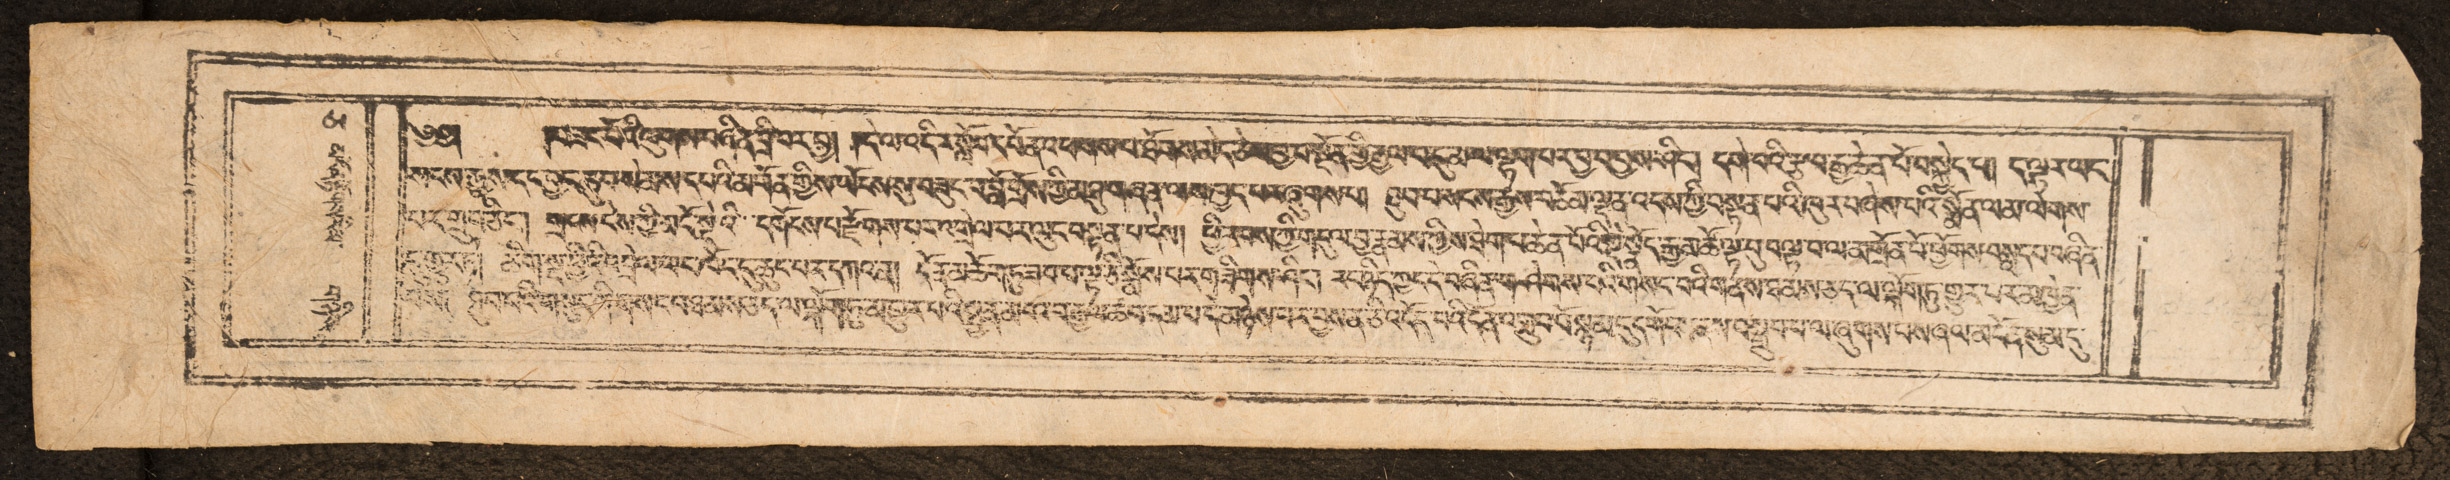༄༅། །བཟང་པོའི་ལུགས་བཞིན་བྲི་བར་བྱ། །དེ་ལ་འདིར་སློབ་དཔོན་འཕགས་པ་ཐོགས་མེད་ཅེས་བྱ་བ་སྔོན་གྱི་རྒྱལ་བ་དུ་མ་ལ་ལྷག་པར་བྱ་བ་བྱས་ཤིང་། དགེ་བའི་རྩ་བ་རྒྱ་ཆེན་པོ་བསྐྱེད་པ། ད་ལྟར་ཡང་
སངས་རྒྱས་དང་བྱང་ཆུབ་སེམས་དཔའི་མགོན་གྱིས་ཡོངས་སུ་བཟུང་བ་བློ་གྲོས་ཀྱི་མཐུ་གཞན་ལས་ཁྱད་པར་ཞུགས་པ། ཐུབ་པ་སངས་རྒྱས་བཅོམ་ལྡན་འདས་ཀྱི་བསྟན་པའི་ཁུར་བཞེས་པའི་སྨོན་ལམ་ལེགས་
པར་གྲུབ་ཅིང་། གྲངས་ངེས་ཀྱི་མདོ་སྡེའི་དགོངས་པ་རྫོགས་པར་འགྲེལ་པར་ལུང་བསྟན་པ་དེས། ཕྱི་རབས་ཀྱི་གདུལ་བྱ་རྣམས་ཀྱིས་ཐེག་པ་ཆེན་པོའི་སྡེ་སྣོད་རྒྱ་མཚོ་ལྟ་བུ་བལྟ་བ་ལ་མགྲོན་པོ་ཕྱོགས་བསླད་པ་བཞིན་
དུ་གྱུར་ཏེ། ཚིག་སྔ་ཕྱིའི་འབྲེལ་ཡང་ཁོང་དུ་ཆུང་བར་དཀའ་ན། དོན་མཆོག་ཏུ་ཟབ་པ་ལྟ་ཅི་སྨོས་པར་གཟིགས་ཤིང་། རང་ཉིད་ཀྱང་དེ་བཞིན་གཤེགས་པའི་གསང་བའི་གནས་ཐམས་ཅད་ལ་ལྐོག་ཏུ་གྱུར་པར་མཁྱེན་
པས། ཐུབ་པའི་གསུང་གི་གསང་བ་ཐམས་ཅད་ལ་ལྐོག་ཏུ་མ་གྱུར་པའི་སྤྱན་མངའ་བ་རྒྱལ་ཚབ་དམ་པ་དེ་མཉེས་པར་བྱས་ན་ཅི་འདོད་པའི་དོན་འགྲུབ་བོ་སྙམ་དུ་དགོངས་ནས་བསྒྲུབ་པ་ལ་ཞུགས་པས་ཞལ་མངོན་སུམ་དུ་